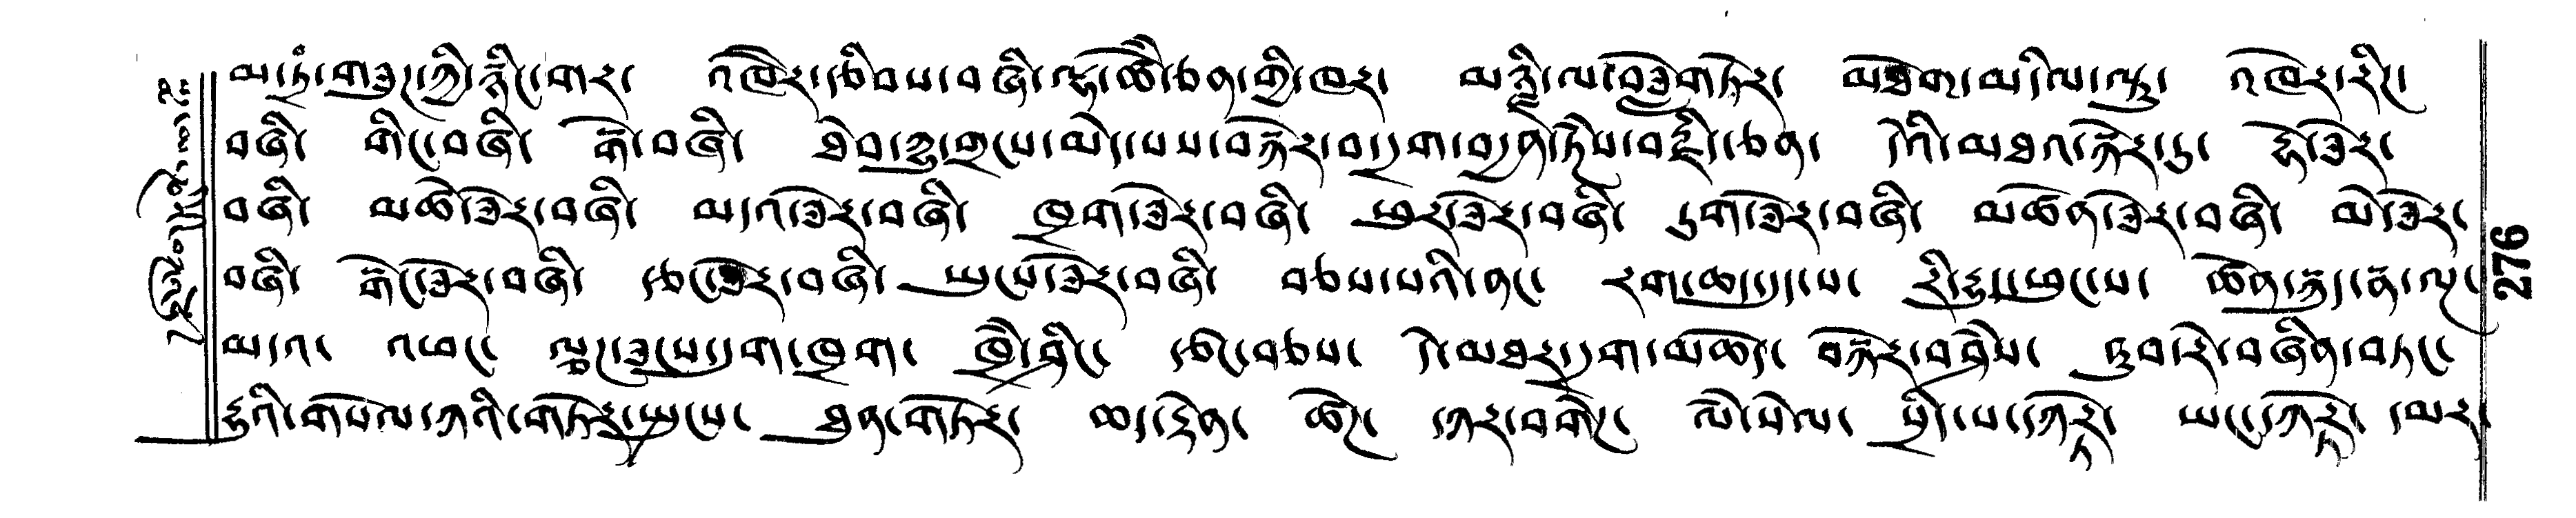མ་ཏྲམ་གཟུགས་ཀྱི་སྙིང་གར་འཁོར་ལོ་རྩིབས་བཞི་ལྷ་ཚོམ་ཅན་གྱི་ཁར། མཉྫི་ལ་བཟློག་གཏོར་མཐོག་མདིལ་ལྟ་བུ། འཁོར་རིགས་
བཞི། གིང་བཞི། སྒོ་བཞི། མཐེབ་སྐྱུ་གྲངས་མེད་པས་བསྐོར་བ་དྲག་བརྒྱན་རྔམས་བརྗིད་ཅན། དེའི་མཐའ་སྐོར་དུ། རྡོ་ཟོར་
བཞི། མཚེ་ཟོར་བཞི། མདའ་ཟོར་བཞི། ཁྲག་ཟོར་བཞི། ཕུར་ཟོར་བཞི། དུག་ཟོར་བཞི། མཚོན་ཟོར་བཞི། མེ་ཟོར་
བཞི། སྒོང་ཟོར་བཞི། རྩང་ཟོར་བཞི། ཡུངས་ཟོར་བཞི། བཅས་པའི་ནང་། རབ་ཆད་དུད་པ། རི་རྒྱུད་ཕུང་ས། ཚོན་སྐུད་སྣ་ལྔ། 
མདའ། འཕང་། ལྕགས་ཟངས་དུག་ཁྲག ཁྲམ་ཤིང་། རྩང་བཅས། དེ་མཐར་དྲག་མཆོད་བསྐོར་བཤམས། ནུབ་རེ་བཞིན་བཏང་
རྒྱུའི་གསོལ་ཀའི་གཏོར་སྤུངས། ཐུན་གཏོར། ཆད་བརྟན། ཚོགས། དཀར་བགེགས། ལམ་སེལ། སྲིད་པ་དཀར་གཏོར། ཡང་དཀར་གཏོར། དམར་